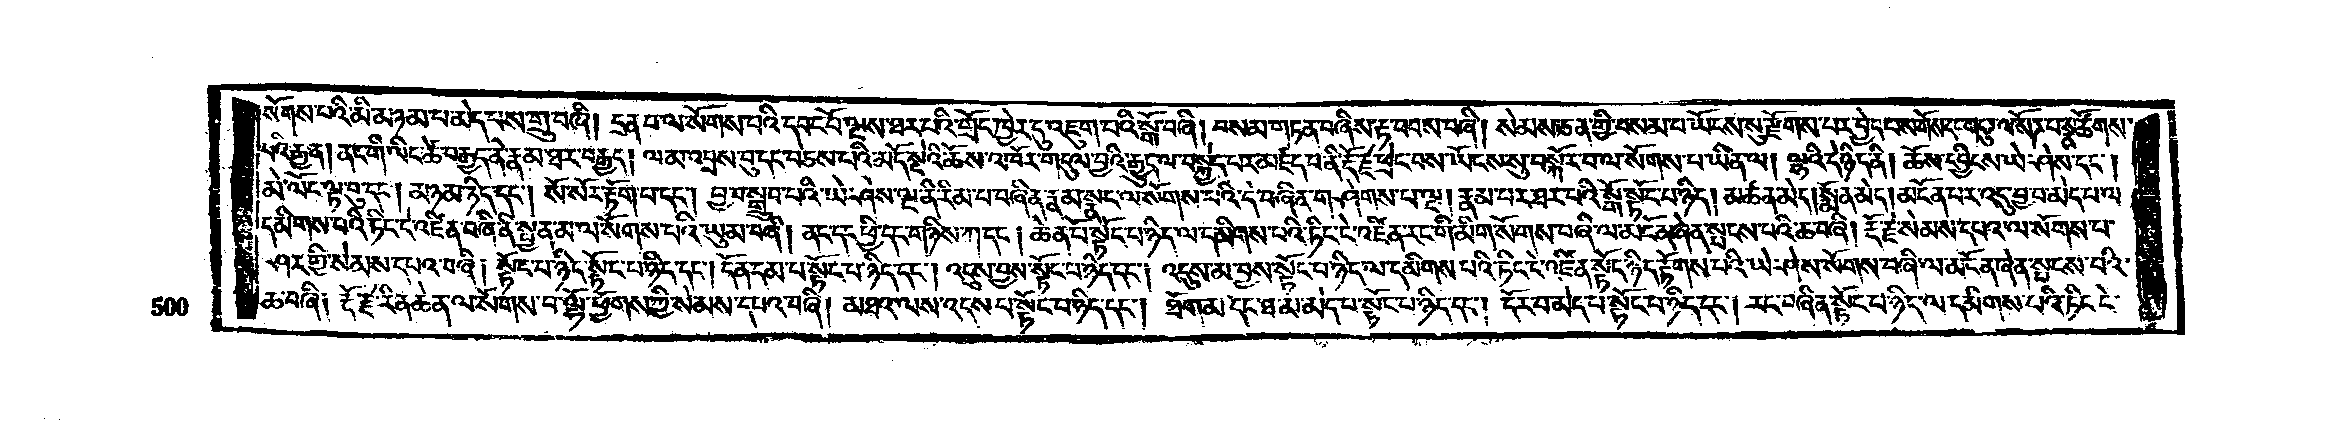སོགས་པའི་མི་མཉམ་པ་མེད་པས་གྲུ་བཞི། དྲན་པ་ལ་སོགས་པའི་དབང་པོ་ལྔས་ཐར་པའི་གྲོང་ཁྱེར་དུ་འཇུག་པའི་སྒོ་བཞི། བསམ་གཏན་བཞིས་རྟ་བབས་བཞི། སེམས་ཅན་གྱི་བསམ་པ་ཡོངས་སུ་རྫོགས་པར་བྱེད་པས་གོས་དང་གདུགས་ལ་སོགས་པ་སྣ་ཚོགས་
པའི་རྒྱན། ནང་གི་ལིང་ཆེ་བརྒྱད་ནི་རྣམ་ཐར་བརྒྱད། ལམ་འབྲས་བུ་དང་བཅས་པའི་མདོ་སྡེའི་ཆོས་འཁོར་གདུལ་བྱའི་རྒྱུད་ལ་བསྐྱེད་པར་མཛད་པ་ནི་རྡོ་རྗེ་ཕྲེང་བས་ཡོངས་སུ་བསྐོར་བ་ལ་སོགས་པ་ཡིན་ལ། ལྷའི་དེ་ཉིད་ནི། ཆོས་དབྱིངས་ཡེ་ཤེས་དང་།
མེ་ལོང་ལྟ་བུ་དང་། མཉམ་ཉིད་དང་། སོ་སོར་རྟོག་པ་དང་། བྱ་བ་སྒྲུབ་པའི་ཡེ་ཤེས་ལྔ་ནི་རིམ་པ་བཞིན་རྣམ་སྣང་ལ་སོགས་པའི་དེ་བཞིན་གཤེགས་པ་ལྔ། རྣམ་པར་ཐར་པའི་སྒོ་སྟོང་པ་ཉིད། མཚན་མེད། སྨོན་མེད། མངོན་པར་འདུ་བྱ་བ་མེད་པ་ལ་
དམིགས་པའི་ཏིང་ངེ་འཛིན་བཞི་ནི་སྤྱན་མ་ལ་སོགས་པའི་ཡུམ་བཞི། ནང་དང་ཕྱི་དང་གཉིས་ཀ་དང་། ཆེན་པོ་སྟོང་པ་ཉིད་ལ་དམིགས་པའི་ཏིང་ངེ་འཛིན་རང་གི་མིག་སོགས་བཞི་ལ་མངོན་ཞེན་སྤངས་པའི་ཆ་བཞི། རྡོ་རྗེ་སེམས་དཔའ་ལ་སོགས་པ་
ཤར་གྱི་སེམས་དཔའ་བཞི། སྟོང་པ་ཉིད་སྟོང་པ་ཉིད་དང་། དོན་དམ་པ་སྟོང་པ་ཉིད་དང་། འདུས་བྱས་སྟོང་པ་ཉིད་དང་། འདུས་མ་བྱས་སྟོང་པ་ཉིད་ལ་དམིགས་པའི་ཏིང་ངེ་འཛིན་སྟོང་ཉིད་རྟོགས་པའི་ཡེ་ཤེས་སོགས་བཞི་ལ་མངོན་ཞེན་སྤངས་པའི་
ཆ་བཞི། རྡོ་རྗེ་རིན་ཆེན་ལ་སོགས་པ་ལྷོ་ཕྱོགས་ཀྱི་སེམས་དཔའ་བཞི། མཐའ་ལས་འདས་པ་སྟོང་པ་ཉིད་དང་། ཐོག་མ་དང་ཐ་མ་མེད་པ་སྟོང་པ་ཉིད་དང་། དོར་བ་མེད་པ་སྟོང་པ་ཉིད་དང་། རང་བཞིན་སྟོང་པ་ཉིད་ལ་དམིགས་པའི་ཏིང་ངེ་